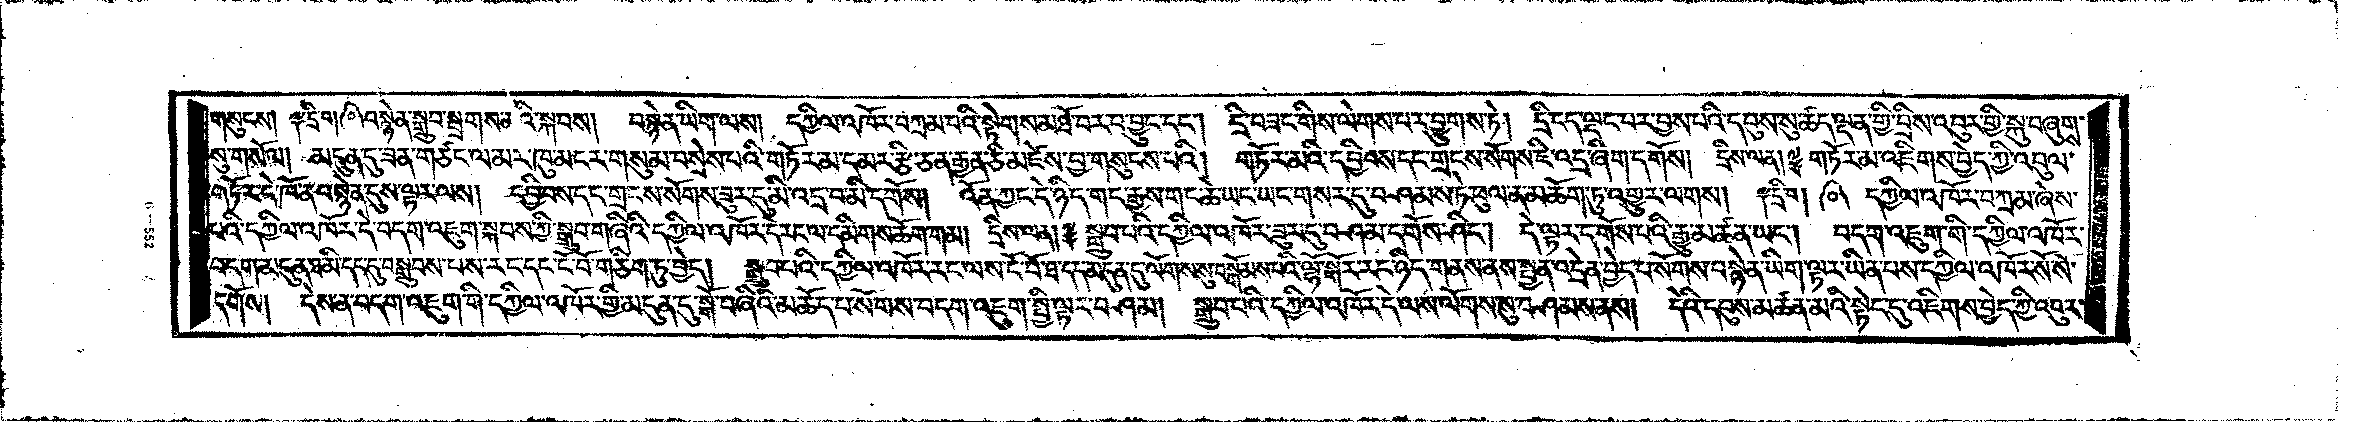གསུངས། ༈ དྲི་བ།  ༼྾༽ བསྙེན་སྒྲུབ་སྦྲགས་མའི་སྐབས། བསྙེན་ཡིག་ལས། དཀྱིལ་འཁོར་བཀྲམ་པའི་སྟེགས་མཐོ་བར་བ་བྱུང་དང་། དྲི་བཟང་གིས་ལེགས་པར་བྱུགས་ཏེ། དྲི་ངད་ལྡང་བར་བྱས་པའི་དབུས་སུ་ཚད་ལྡན་གྱི་བྲིས་འབུར་གྱི་སྐུ་བཞུགས་
སུ་གསོལ། མདུན་དུ་ཟན་གཙང་ལ་མར་ཁུ་མངར་གསུམ་བསྲེས་པའི་གཏོར་མ་དམར་རྩི་ཅན་རྒྱན་ཅི་མཛེས་བྱ་གསུངས་པའི། གཏོར་མའི་དབྱིབས་དང་གྲངས་སོགས་ཇི་འདྲ་ཞིག་དགོས། དྲིས་ལན།  ༈ གཏོར་མ་འཇིགས་བྱེད་ཀྱི་འབུལ་
ཕ༹གཏོར་དེ་ཁོ་ན་བསྙེན་དུས་ལྟར་ལས། དབྱིབས་དང་གྲངས་སོགས་ཟུར་དུ་མི་འདྲ་བ་མི་དགོས། འོན་ཀྱང་དེ་ཉིད་གང་རྒྱས་གང་ཆེ་ཡང་ཡང་གསར་དུ་བཤམས་ཏེ་ཕུལ་ན་མཆོག་ཏུ་འགྱུར་ལགས། ༈ དྲི་བ།  ༼྾༽ དཀྱིལ་འཁོར་བཀྲམ་ཞེས་
ཕ༹པའི་དཀྱིལ་འཁོར་དེ་བདག་འཇུག་སྐབས་ཀྱི་སྒྲུབ་གཞིའི་དཀྱིལ་འཁོར་དེ་རང་ལ་དམིགས་ཆོག་གམ། དྲིས་ལན་༈ སྒྲུབ་པའི་དཀྱིལ་འཁོར་ཟུར་དུ་བཤམ་དགོས་ཤིང་། དེ་ལྟར་དགོས་པའི་རྒྱུ་མཚན་ཡང་། བདག་འཇུག་གི་དཀྱིལ་འཁོར་
བདག་མདུན་ཐ་མི་དད་དུ་བསྒྲུབས་པས་རང་དང་ངོ་བོ་གཅིག་ཏུ་བྱེད། སྒྲུབ་པའི་དཀྱིལ་འཁོར་རང་ལས་ངོ་བོ་ཐ་དད་མདུན་དུ་ལོགས་སུ་བསྒོམས་པའི་ལྷོ་སྒོར་རང་ཉིད་གནས་ནས་སྤྱན་འདྲེན་བྱེད་པ་སོགས་བསྙེན་ཡིག་ལྟར་ཡིན་པས་དཀྱིལ་འཁོར་སོ་སོ་
ཕ༹དགོས། དེས་ན་བདག་འཇུག་གི་དཀྱིལ་འཁོར་གྱི་མདུན་དུ་སྒོ་བཞིའི་མཆོད་པ་སོགས་བདག་འཇུག་སྤྱི་ལྟར་བཤམ། སྒྲུབ་པའི་དཀྱིལ་འཁོར་དེ་ལས་ལོགས་སུ་བཤམས་ནས། དེའི་དབུས་མཚན་མའི་སྟེང་དུ་འཇིགས་བྱེད་ཀྱི་འབུར་